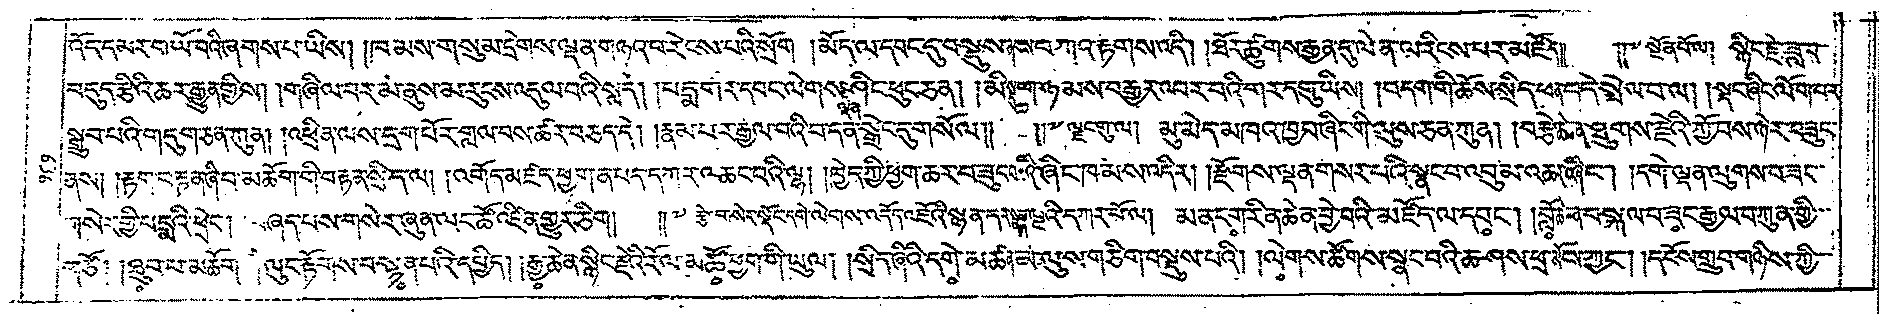འོད་དམར་གཡོ་བའི་ཞགས་པ་ཡིས། །ཁམས་གསུམ་དྲེགས་ལྡན་གཉའ་བ་རེངས་པའི་སྲོག །མོད་ལ་དབང་དུ་བསྡུས་ནས་བཀའ་རྟགས་འདི། །ཐོར་ཚུགས་རྒྱན་དུ་ལེན་ལ་རིངས་པར་མཛོད།། །།༧སྔོན་པོ་ལ།  སྙིང་རྗེ་ཟླ་བ་
བདུད་རྩིའི་ཆར་རྒྱུན་གྱིས། །གཞིལ་བར་མ་ནུས་མ་རུངས་འདུལ་བའི་སླད། །པདམ་གར་དབང་ལེགས་ལྡན་ཤིང་ཕུང་ཅན། །མི་སྡུག་ཉམས་བརྒྱར་འབར་བའི་གར་དགུ་ཡིས། །བདག་གི་ཆོས་སྲིད་ཕན་བདེ་སྤེལ་བ་ལ། །སྡང་ཞིང་ལོག་པར་
སྒྲུབ་པའི་གདུག་ཅན་ཀུན། །འཕྲིན་ལས་དྲག་པོར་གླལ་བས་ཚར་བཅད་དེ། །རྣམ་པར་རྒྱལ་བའི་བ་དན་སྒྲེང་དུ་གསོལ།། །།༧ལྗང་གུ་ལ།  མུ་མེད་མཁའ་ཁྱབ་ཞིང་གི་ལུས་ཅན་ཀུན། །བརྩེ་ཆེན་ཐུགས་རྗེའི་ཀྱོ་བས་ཉེར་བཟུང་
ནས། །རྟག་བརྟན་ཞི་བ་མཆོག་གི་བརྟན་སྲིད་ལ། །འགོད་མཛད་ཕྱག་ན་པད་དཀར་འཆང་བའི་ལྷ། །ཁྱེད་ཀྱི་ཕྱག་ཆར་བཟུང་བའི་ཞིང་ཁམས་འདིར། །རྫོགས་ལྡན་གསར་པའི་སྣང་བ་འབུམ་འཆར་ཞིང་། །དགེ་ལྡན་ལུགས་བཟང་
གསེར་གྱི་པདམའི་ཕྲེང་། །བཞད་པས་གསེར་ཞུན་ལང་ཚོ་འཛིན་གྱུར་ཅིག ། །།༧རྩེ་གསེར་སྡོང་དགེ་ལེགས་འདོད་འཇོའི་སྙན་དར་སྣ་ལྔའི་དཀར་པོ་ལ།  མན་ངག྾་རིན་ཆེན་བྱེ་བའི་མཛོད་ལ་དབང྾། །བློ྾་ཆེན་བསྐལ་བཟང྾་རྒྱལ་བ་ཀུན་གྱི་
གཙོ། །ཐུབ྾་པ་མཆོག་གི་ལུང་རྟོགས་བསྟན྾་པའི་དཔྱིད། །རྒྱ྾་ཆེན་སྙིང་རྗེའི་རོལ་མཚོ྾་ཕྱག་གི་ཡུལ། །སྲིད་ཞིའི་དགེ྾་མཚན་མ་ལུས་གཅིག་བསྡུས་པའི། །ལེགས྾་ཚོགས་སྣང་བའི་ཆ་ཤས་ཕྲ་མོས་ཀྱང་། །དངོས་གྲུབ་གཉིས་ཀྱི་